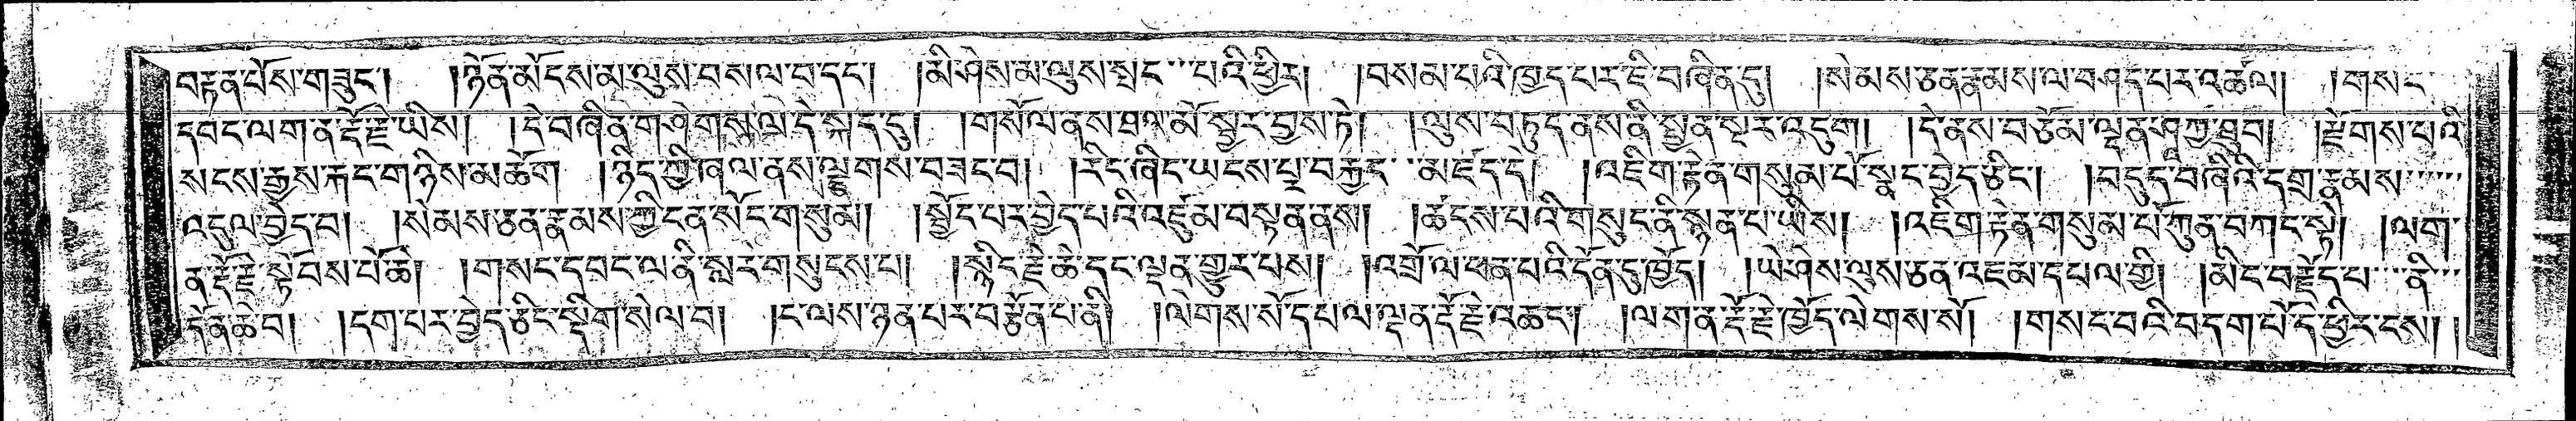བརྟན་པོས་གཟུང་། །ཉོན་མོངས་མ་ལུས་བསལ་བ་དང་། །མི་ཤེས་མ་ལུས་སྤང་བའི་ཕྱིར། །བསམ་པའི་ཁྱད་པར་ཇི་བཞིན་དུ། །སེམས་ཅན་རྣམས་ལ་བཤད་པར་འཚལ། །གསང་
དབང་ལག་ན་རྡོ་རྗེ་ཡིས། །དེ་བཞིན་གཤེགས་ལ་དེ་སྐད་དུ། །གསོལ་ནས་ཐལ་མོ་སྦྱར་བྱས་ཏེ། །ལུས་བཏུད་ནས་ནི་སྤྱན་སྔར་འདུག། །དེ་ནས་བཅོམ་ལྡན་ཤཱཀྱ་ཐུབ། །རྫོགས་པའི་
སངས་རྒྱས་རྐང་གཉིས་མཆོག །ཉིད་ཀྱི་ཞལ་ནས་ལྗགས་བཟང་བ། །རིང་ཞིང་ཡངས་པར་བརྐྱང་མཛད་དེ། །འཇིག་རྟེན་གསུམ་པོ་སྣང་བྱེད་ཅིང་། །བདུད་བཞིའི་དགྲ་རྣམས་
འདུལ་བྱེད་བ། །སེམས་ཅན་རྣམས་ཀྱི་ངན་སོང་གསུམ། །སྦྱོང་བར་བྱེད་པའི་འཛུམ་བསྟན་ནས། །ཚངས་པའི་གསུང་ནི་སྙན་པ་ཡིས། །འཇིག་རྟེན་གསུམ་པོ་ཀུན་བཀང་སྟེ། །ལག་
ན་རྡོ་རྗེ་སྟོབས་པོ་ཆེ། །གསང་དབང་ལ་ནི་སླར་གསུངས་པ། །སྙིང་རྗེ་ཆེ་དང་ལྡན་གྱུར་པས། །འགྲོ་ལ་ཕན་པའི་དོན་དུ་ཁྱོད། །ཡེ་ཤེས་ལུས་ཅན་འཇམ་དཔལ་གྱི། །མིང་བརྗོད་པ་ནི་
དོན་ཆེ་བ། །དག་པར་བྱེད་ཅིང་སྡིག་སེལ་བ། །ང་ལས་ཉན་པར་བརྩོན་པ་ནི། །ལེགས་སོ་དཔལ་ལྡན་རྡོ་རྗེ་འཆང་། །ལག་ན་རྡོ་རྗེ་ཁྱོད་ལེགས་སོ། །གསང་བའི་བདག་པོ་དེ་ཕྱིར་ངས།